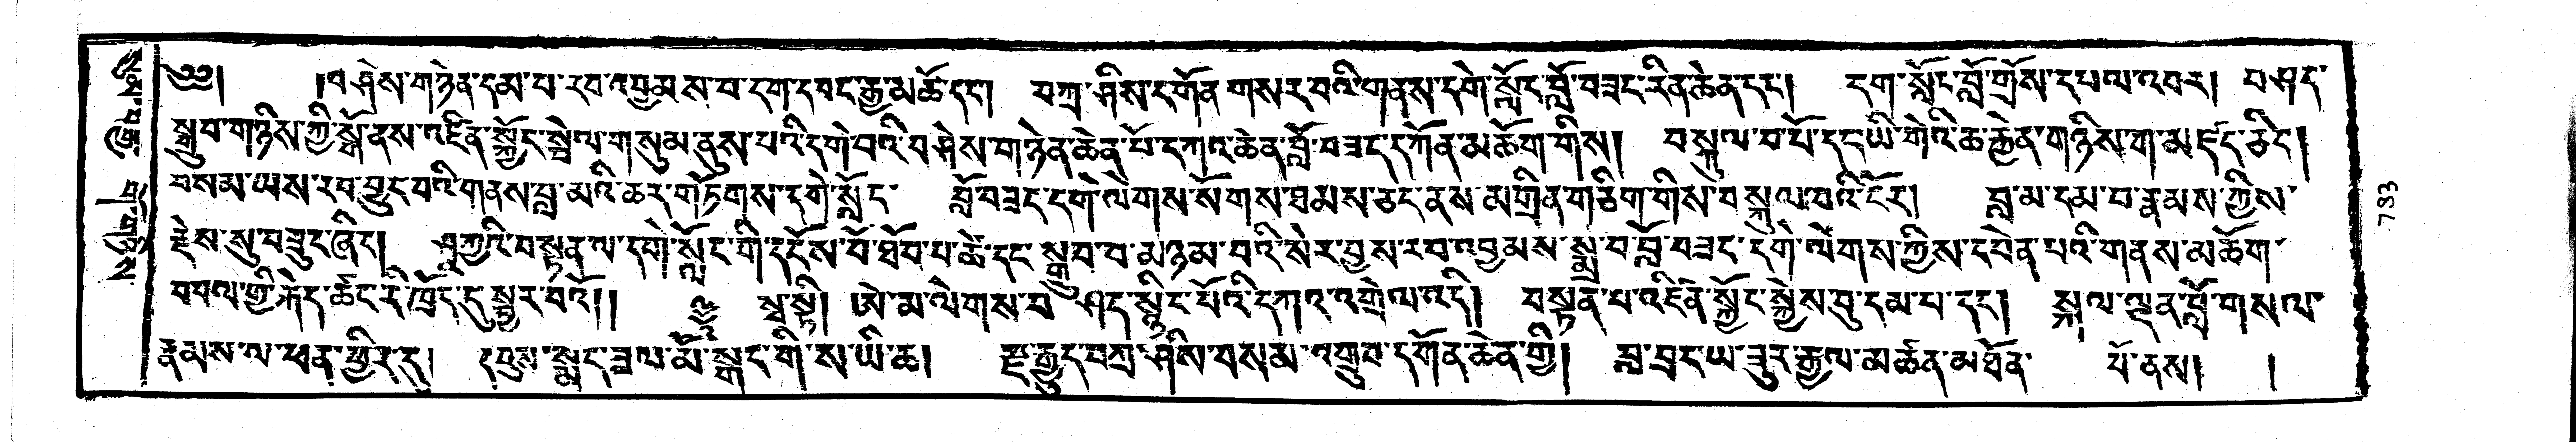༄༅། །བཤེས་གཉེན་དམ་པ་རབ་འབྱམས་པ་ངག་དབང་རྒྱ་མཚོ་དང་། བཀྲ་ཤིས་དགོན་གསར་བའི་གནས་དགེ་སློང་བློ་བཟང་རིན་ཆེན་དང་། དག་སློང་བློ་གྲོས་དཔལ་འབར། བཤད་
སྒྲུབ་གཉིས་ཀྱི་སྒོ་ནས་འཛིན་སྐྱོང་སྦེལ་གསུམ་ནུས་པའི་དགེ་བའི་བཤེས་གཉེན་ཆེན་པོ་དཀའ་ཆེན་བློ་བཟང་དཀོན་མཆོག་གིས། བསྐུལ་བ་པོ་དང་ཡི་གེའི་ཆ་རྐྱེན་གཉིས་ག་མཛད་ཅིང་།
བསམ་ཡས་རབ་བྱུང་བའི་གནས་བླ་མའི་ཆར་གཏོགས་དགེ་སློང་བློ་བཟང་དགེ་ལེགས་སོགས་ཐམས་ཅད་ནས་མགྲིན་གཅིག་གིས་བསྐུལ་བའི་ངོར། བླ་མ་དམ་པ་རྣམས་ཀྱིས་
རྗེས་སུ་བཟུང་ཞིང་། ཤཱཀྱའི་བསྟན་ལ་དགེ་སློང་གི་དངོས་པོ་ཐོབ་པ་ཚེ་དང་སྒྲུབ་པ་མཉམ་པའི་སེར་བྱས་རབ་འབྱམས་སྨྲ་བ་བློ་བཟང་དགེ་ལེགས་ཀྱིས་དབེན་པའི་གནས་མཆོག་
བ་བལ་གྱི་རྐེད་ཚང་རི་ཁྲོད་དུ་སྦྱར་བའོ། ། ༈ སྭ་སྟེ། ཨེ་མ་ལེགས་བཤད་སྙིང་པོའི་དཀའ་འགྲེལ་འདི། བསྟན་པ་འཛིན་སྐྱོང་སྐྱེས་བུ་དམ་པ་དང་། སྐལ་ལྡན་བློ་གསལ་
རྣམས་ལ་ཕན་ཕྱིར་དུ། དབུས་སྨད་ཟལ་མོ་སྒང་གི་ས་ཡི་ཆ། རྫ་རྒྱུད་བཀྲ་ཤིས་བསམ་འགྲུབ་དགོན་ཆེན་གྱི། བླ་བྲང་ཡ་ཟུར་རྒྱལ་མཚན་མཐོན་པོ་ནས། །